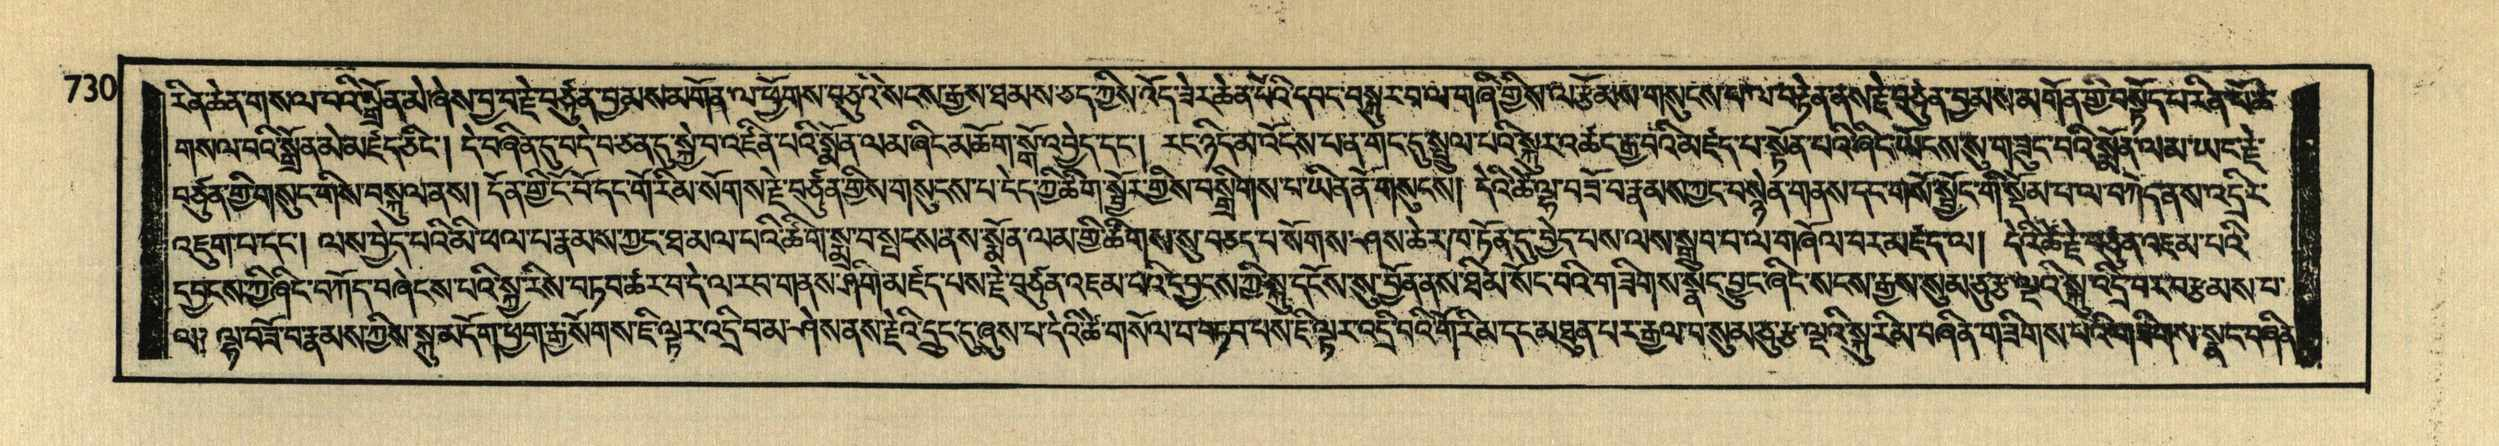རིན་ཆེན་གསལ་བའི་སྒྲོན་མེ་ཞེས་བྱ་བ་རྗེ་བཙུན་བྱམས་མགོན་ལ་ཕྱོགས་བཅུའི་སངས་རྒྱས་ཐམས་ཅད་ཀྱིས་འོད་ཟེར་ཆེན་པོའི་དབང་བསྐུར་བ་ལ་གཞི་གྱིས་ལ་རྩོམས་གསུངས་པ་ལ་བརྟེན་ནས་རྗེ་བཙུན་བྱམས་མགོན་གྱི་བསྟོད་པ་རིན་པོ་ཆེ་
གསལ་བའི་སྒྲོན་མེ་མཛད་ཅིང་། དེ་བཞིན་དུ་བདེ་བ་ཅན་དུ་སྐྱེ་བ་འཛིན་པའི་སྨོན་ལམ་ཞིང་མཆོག་སྒོ་འབྱེད་དང་། རང་ཉིད་མ་འོངས་པ་ན་གང་དུ་སྤྲུལ་པའི་སྐུར་འཚང་རྒྱ་བའི་མཛད་པ་སྟོན་པའི་ཞིང་ཡོངས་སུ་གཟུང་བའི་སྨོན་ལམ་ཡང་རྗེ་
བཙུན་གྱི་གསུང་གིས་བསྐུལ་ནས། དོན་གྱི་ངོ་བོ་དང་གོ་རིམ་སོགས་རྗེ་བཙུན་གྱིས་གསུངས་པ་ངེད་ཀྱི་ཚིག་སྦྱོར་གྱིས་བསྒྲིགས་པ་ཡིན་ནོ་གསུངས། དེའི་ཚེ་ལྷ་བཟོ་བ་རྣམས་ཀྱང་བསྙེན་གནས་དང་གསོ་སྦྱོང་གི་སྡོམ་པ་ལ་བཀོད་ནས་འདྲིར་
འཇུག་པ་དང་། ལས་བྱེད་པའི་མི་ཕལ་པ་རྣམས་ཀྱང་ཐ་མལ་པའི་ཚིག་སྨྲ་བ་སྤངས་ནས་སྨོན་ལམ་གྱི་ཚིགས་སུ་བཅད་པ་སོགས་ཤས་ཆེར་ཁ་ཏོན་དུ་བྱེད་པས་ལས་སྒྲུབ་བ་ལ་གཞོལ་བར་མཛད་ལ། དེའི་ཚེ་རྗེ་བཙུན་འཇམ་པའི་
དབྱངས་ཀྱི་ཞིང་བཀོད་བཞེངས་པའི་སྐྱ་རིས་བཏབ་ཚར་བ་དེ་ལ་རབ་གནས་ཤིག་མཛད་པས་རྗེ་བཙུན་འཇམ་པའི་དབྱངས་ཀྱི་སྐུ་དངོས་སུ་བྱོན་ནས་ཐིམ་སོང་བའི་གཟིགས་སྣང་བྱུང་ཞིང་སངས་རྒྱས་སུམ་ཅུ་རྩ་ལྔའི་སྐུ་འདྲི་བར་བརྩམས་པ་
ལ༑ ལྷ་བཟོ་བ་རྣམས་ཀྱིས་སྐུ་མདོག་ཕྱག་རྒྱ་སོགས་ཇི་ལྟར་འདྲི་བ་མ་ཤེས་ནས་རྗེའི་དྲུང་དུ་ཞུས་པ་དེའི་ཚེ་གསོལ་བ་བཏབ་པས་ཇི་ལྟར་འདྲི་བའི་གོ་རིམ་དང་མཐུན་པར་རྒྱལ་བ་སུམ་ཅུ་རྩ་ལྔའི་སྐུ་རིམ་བཞིན་གཟིགས་པའི་གཟིགས་སྣང་བཞིན་